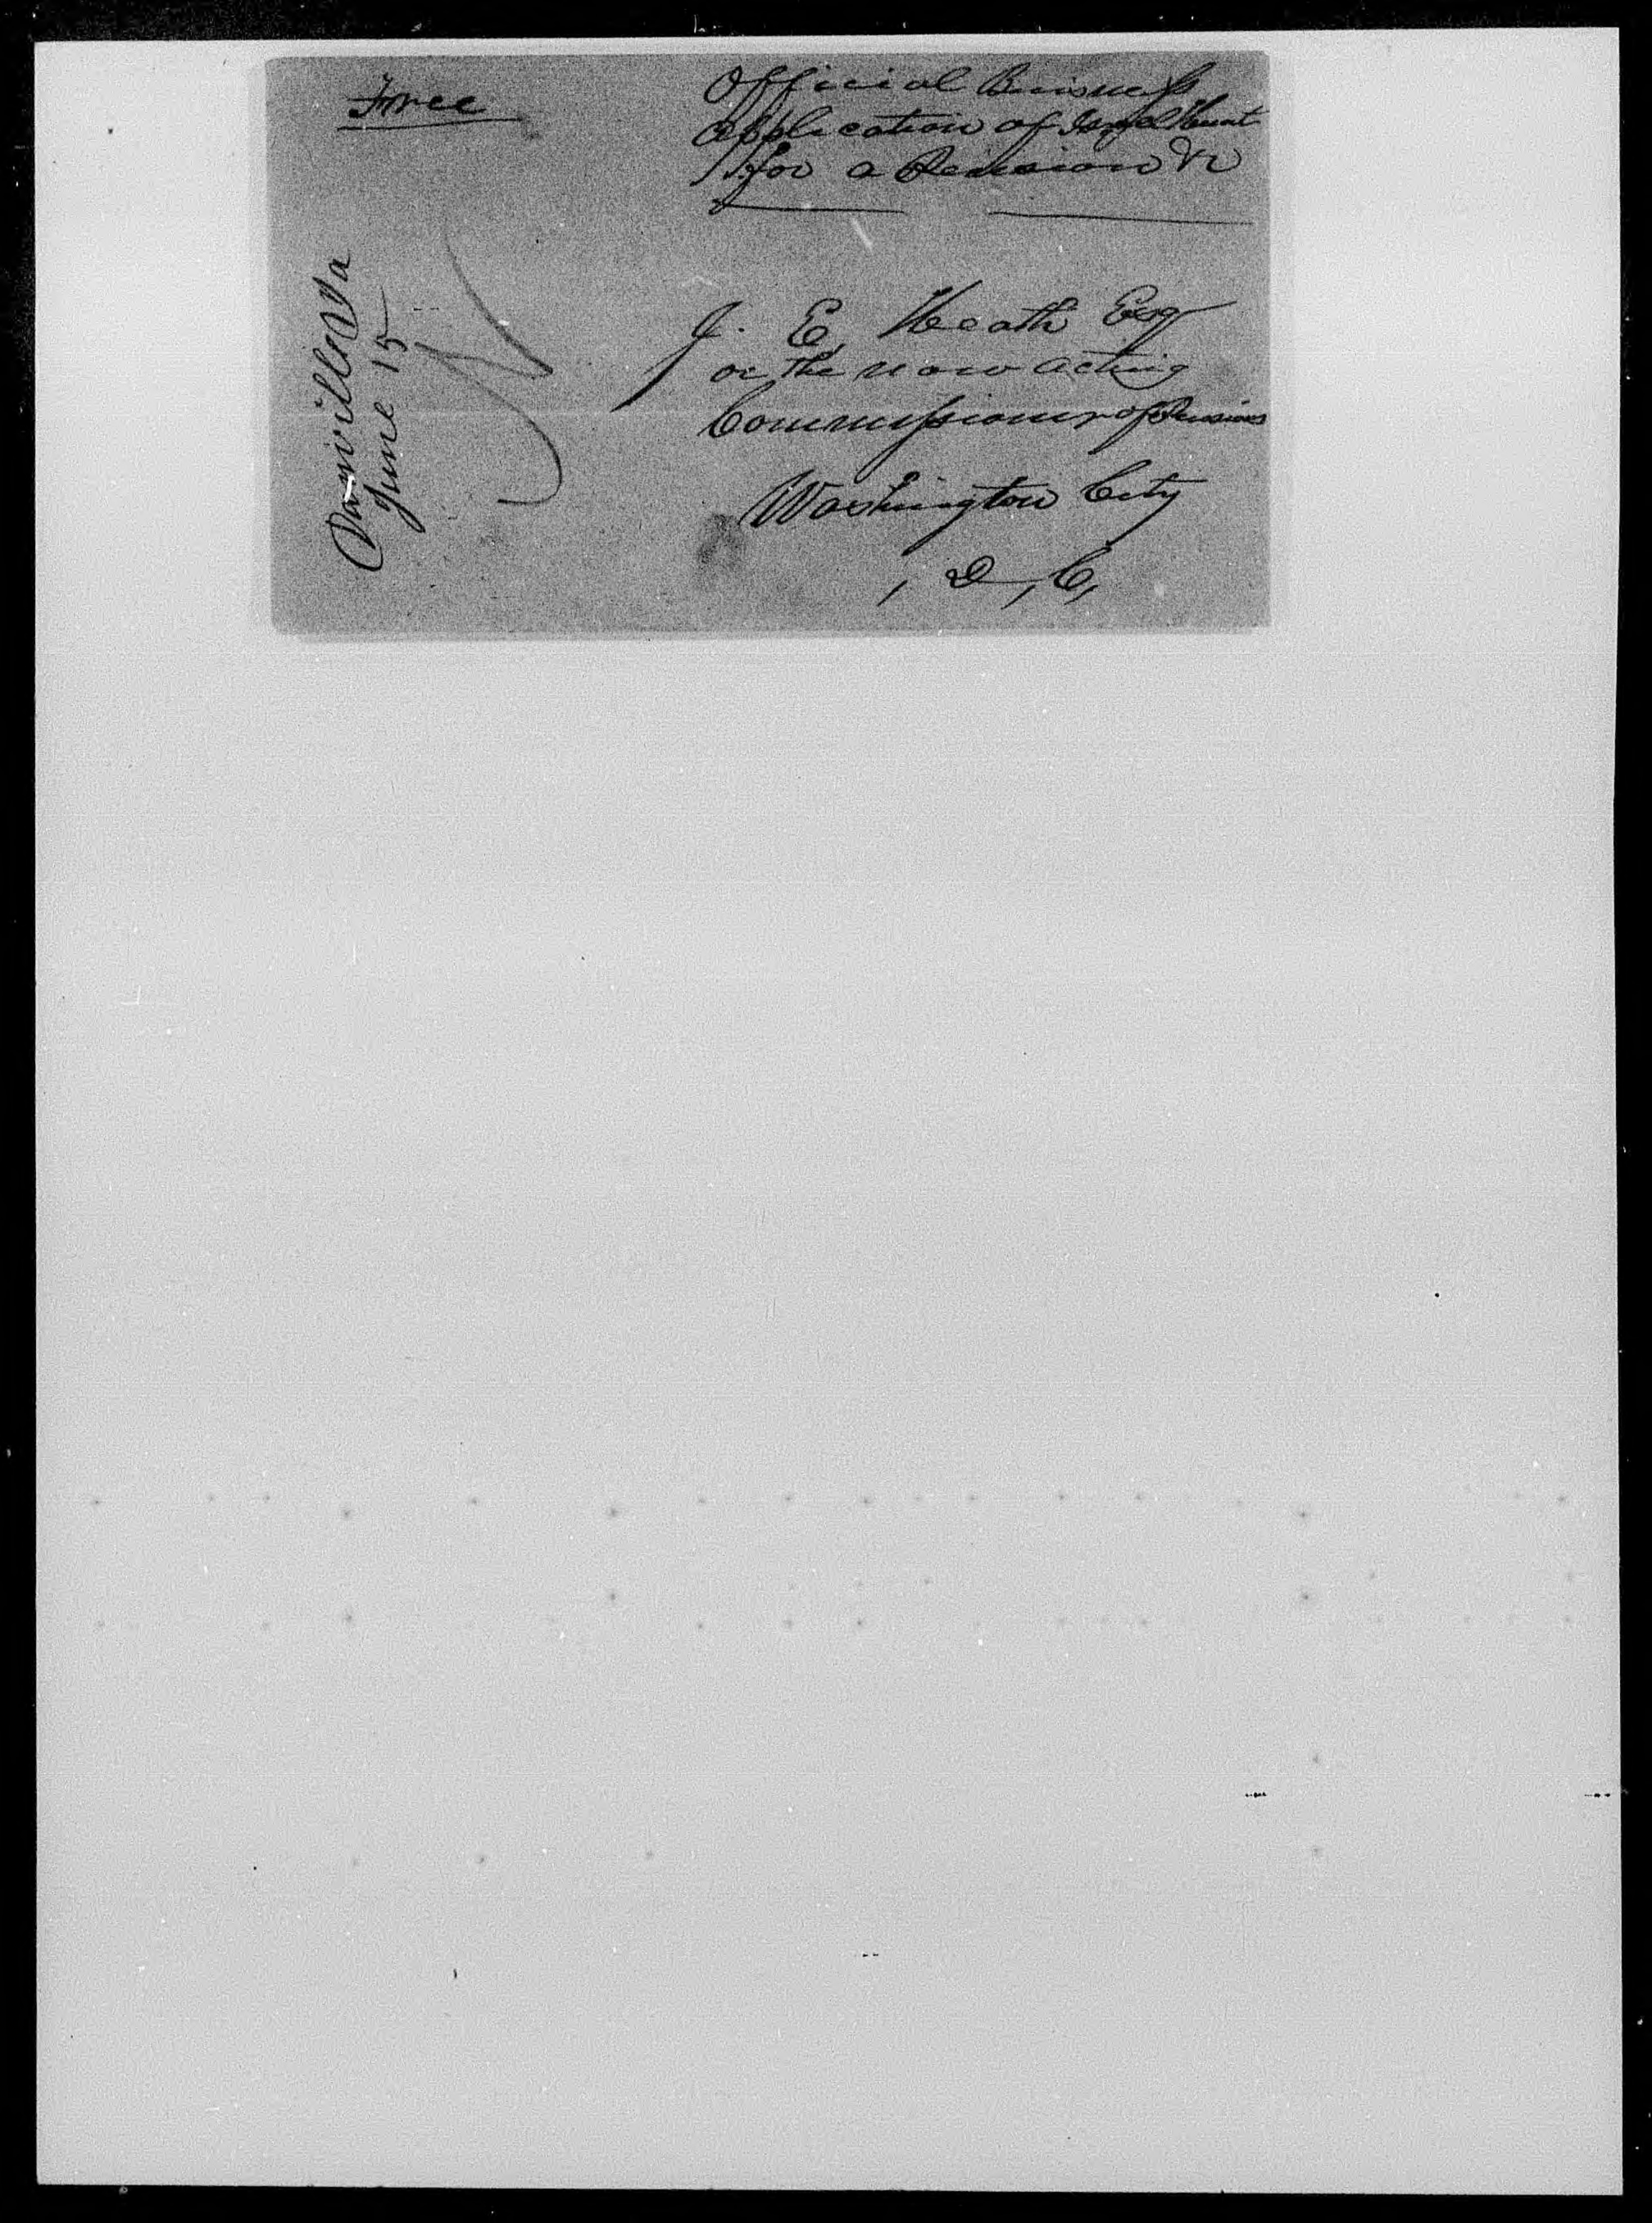Free

Official Business
Application of Isarel Hunt 
for a Pension &c.

J. E. Heath Esq.
of the now acting Commissioner of Pensions
Washington City, D. C. 

Danville Ia
June 15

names: J E Heath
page: 15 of 18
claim: rejected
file: R. 5393, for Israel Hunt, New Jersey